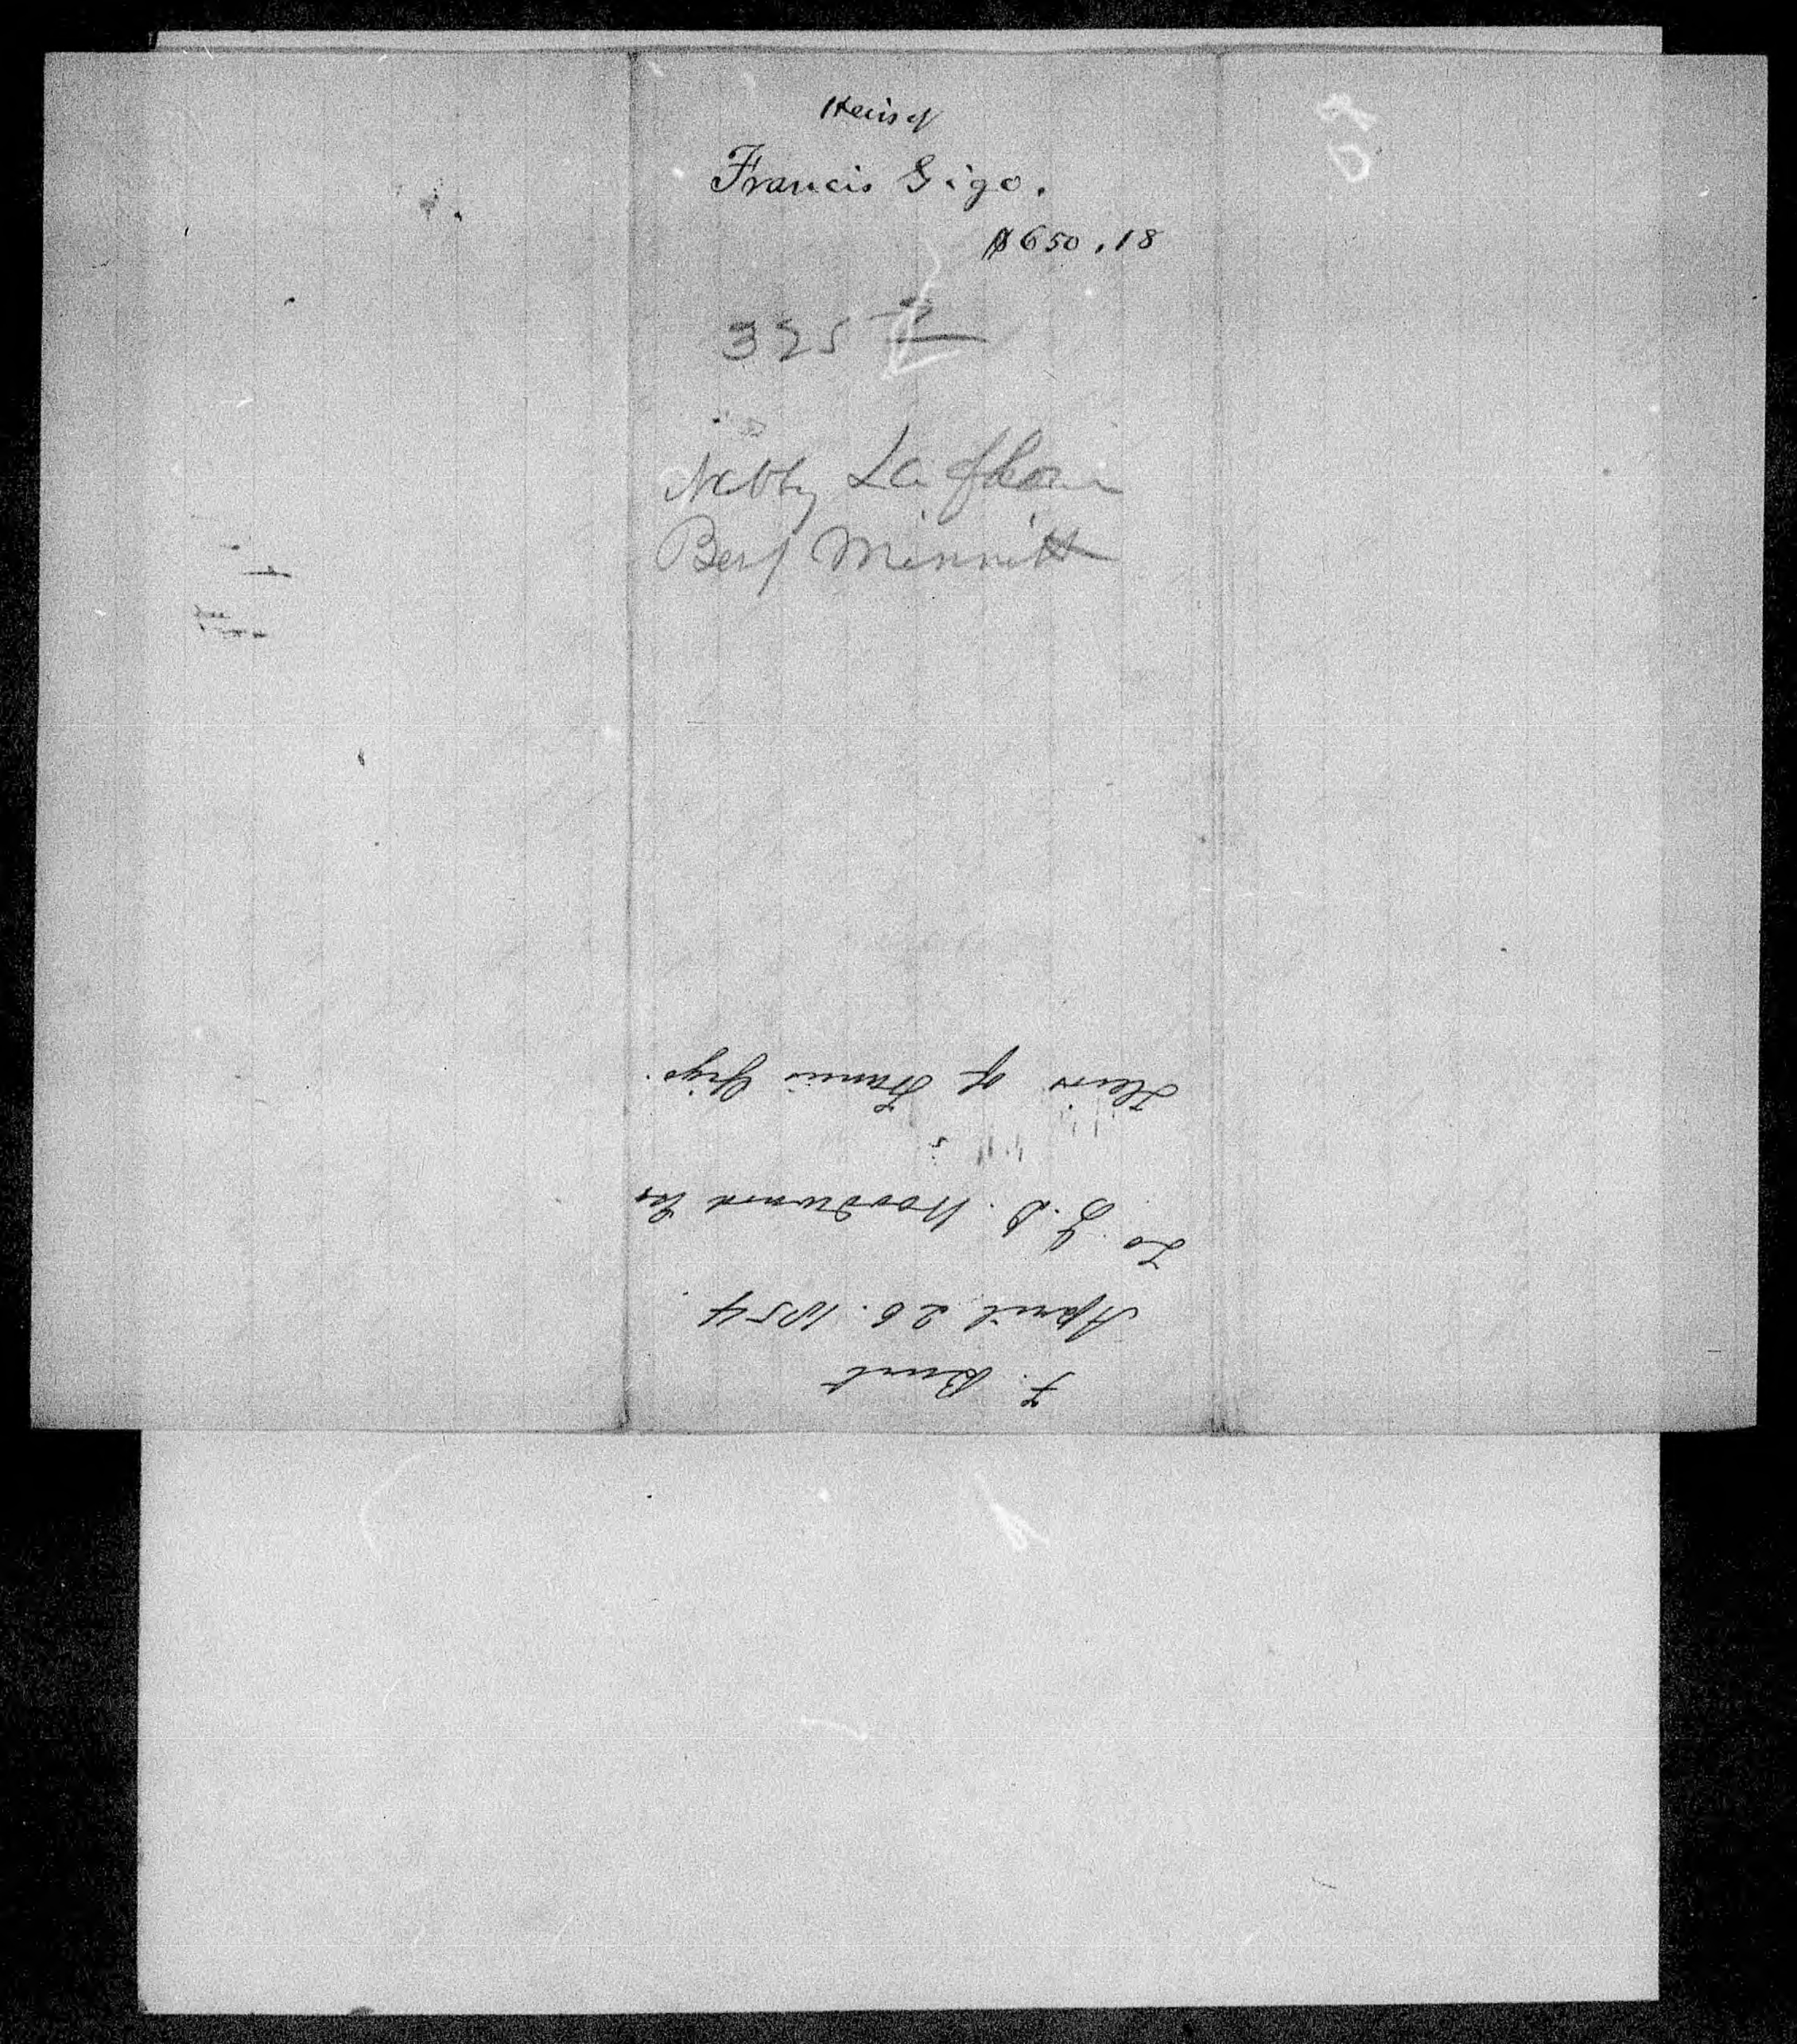Heirs if
Francis Gigo
$650.18
$325.09
Nabby LaFlour
Beng Minnitt

F. Burt
April 26, 1854
To J L Woodward Esq
Heir of Francis Gigo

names: Benj Minnitt, Francis Gigo, J D Woodward, Francis Gigo, Nabby Laflour, F Burt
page: 93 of 98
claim: widow's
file: W. 21182, Francis Gigo, Continental (Canadian)